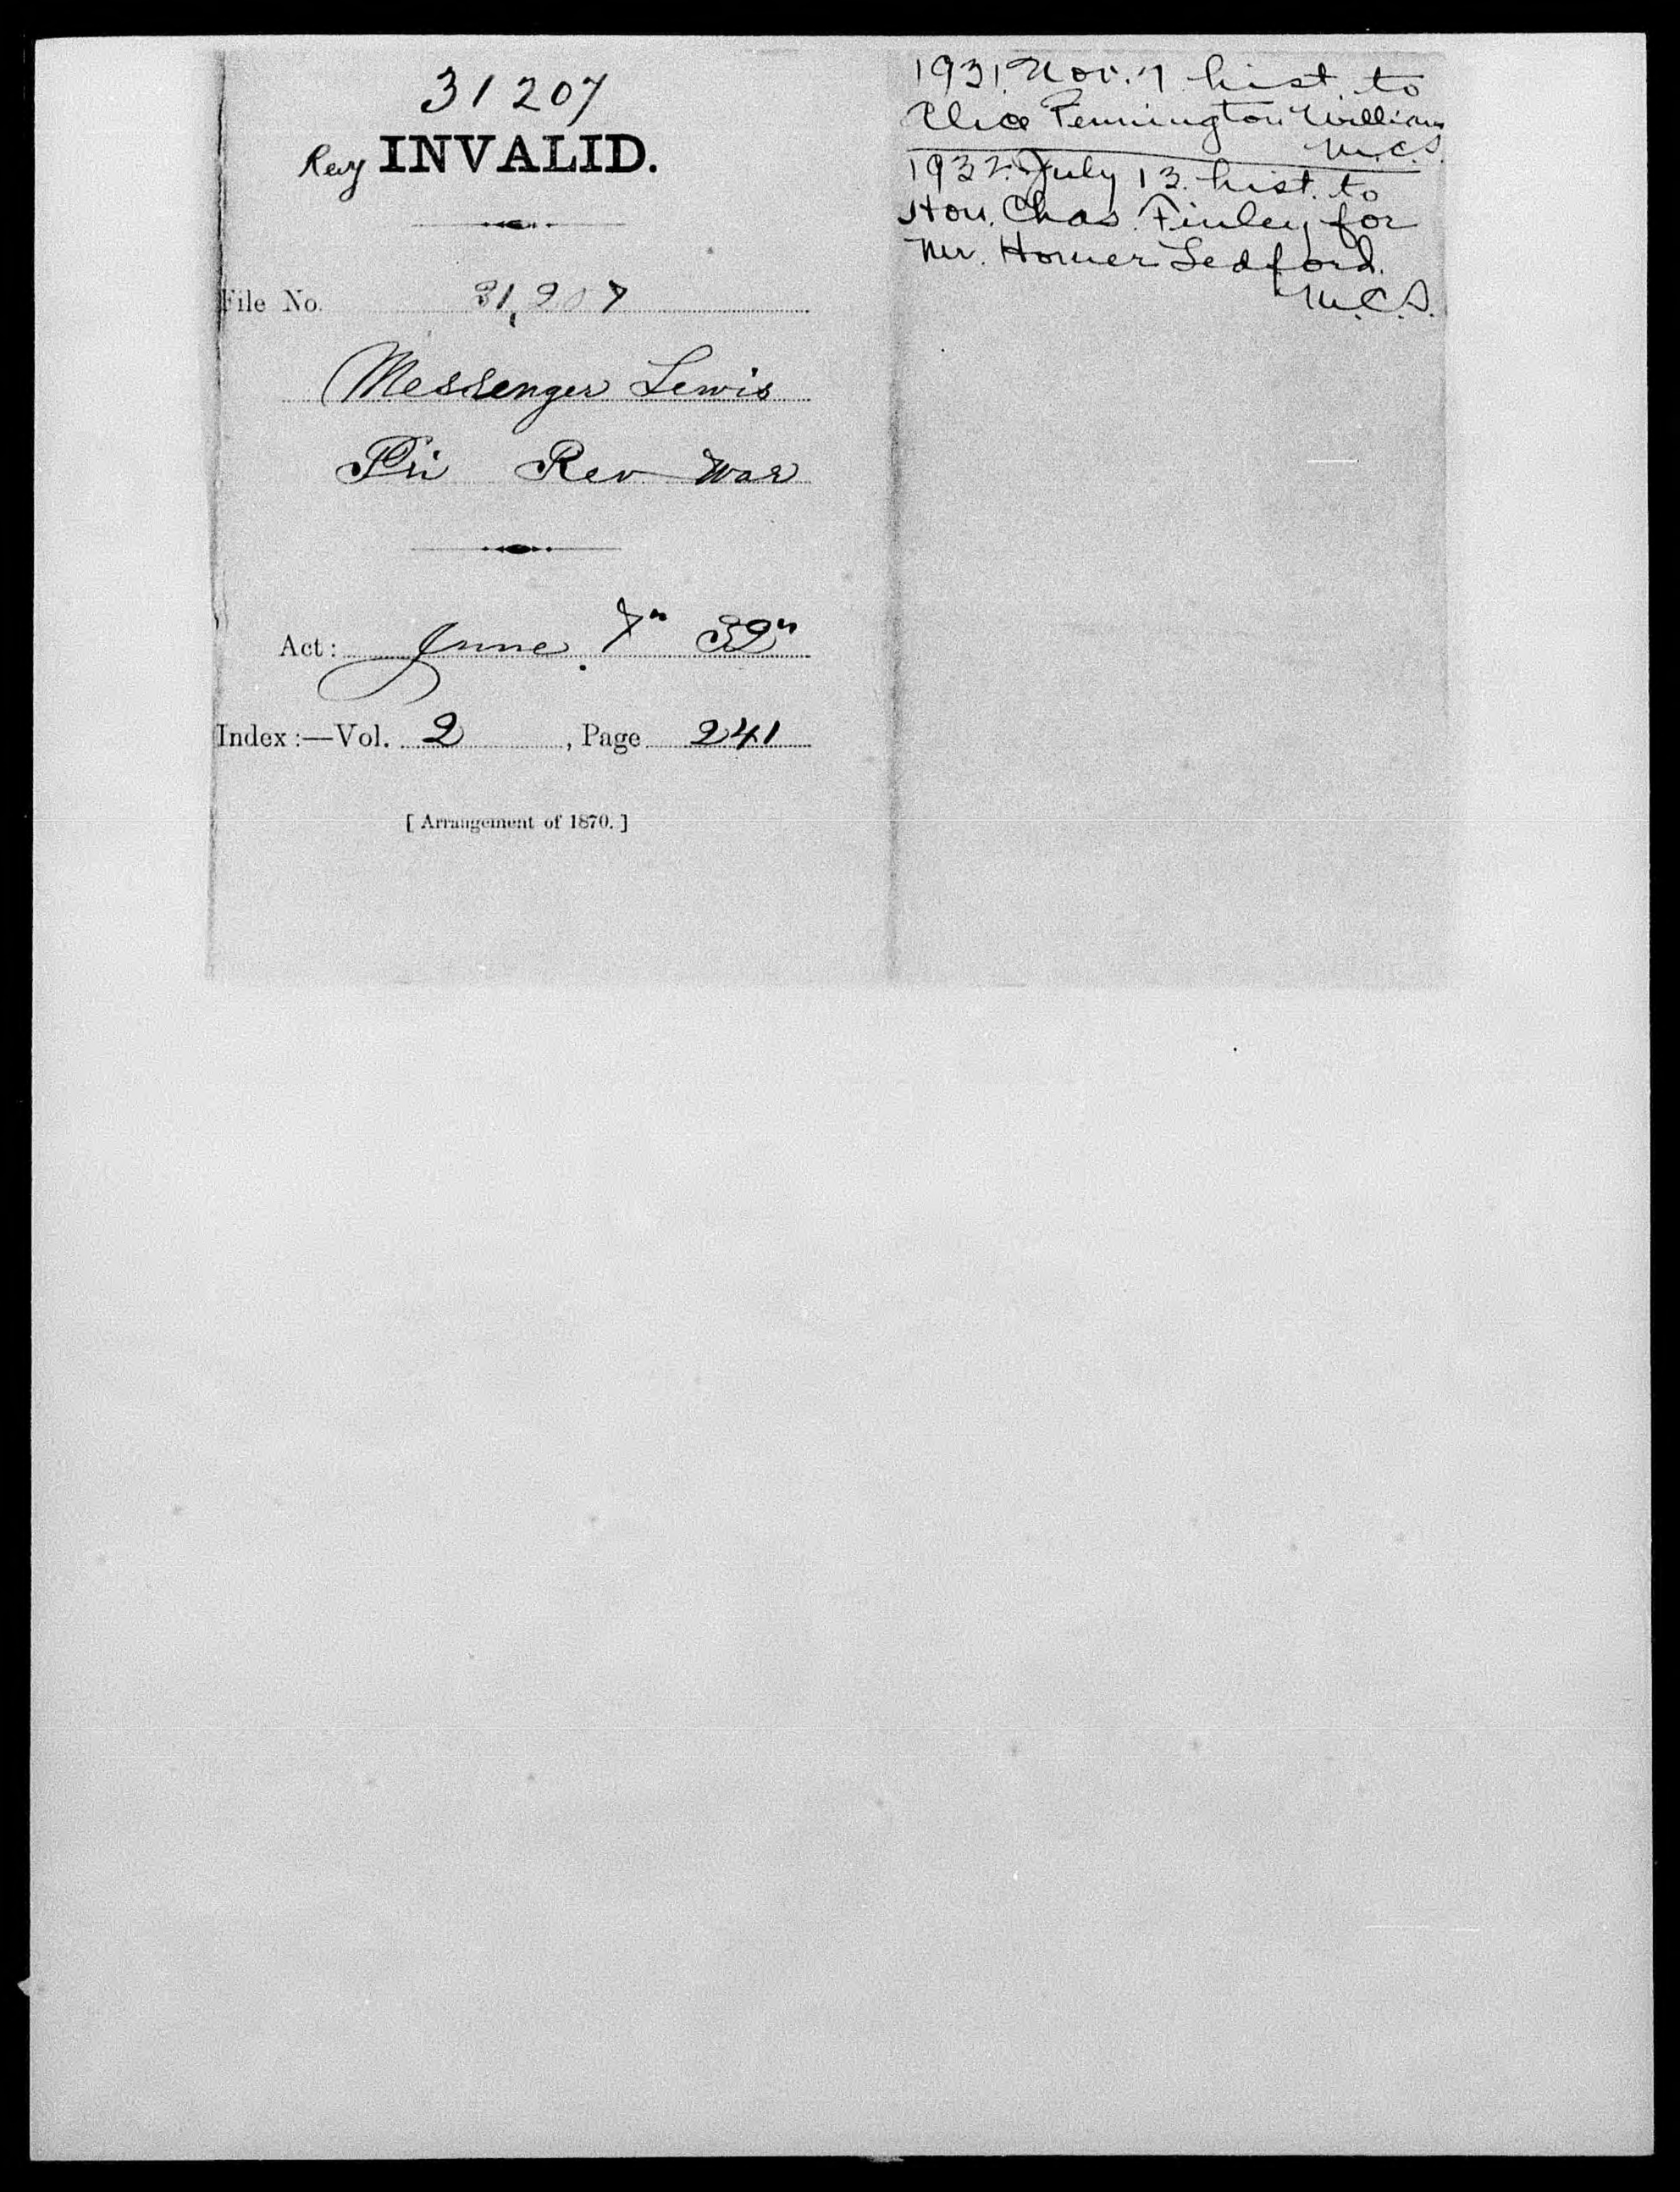31207
Revy  INVALID.
File No. 31,207-
Messenger Lewis
Pri---Rev---War---
Act:--June 7" 32"
Index: - Vol. 2, Page 241 
[Arrangement of 1870.]
1931 Nov, 7 hist to Alice Pennington Williams W.C.S.
1932 July 13. hist. to Hon. Chas Finley for Mr. Homer Ledford. W.C.S.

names: Homer Ledford; Messenger Lewis; Chas Finley; Alice Pennington Williams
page: 12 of 12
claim: survivor's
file: S. 31207, for Messenger Lewis, Connecticut